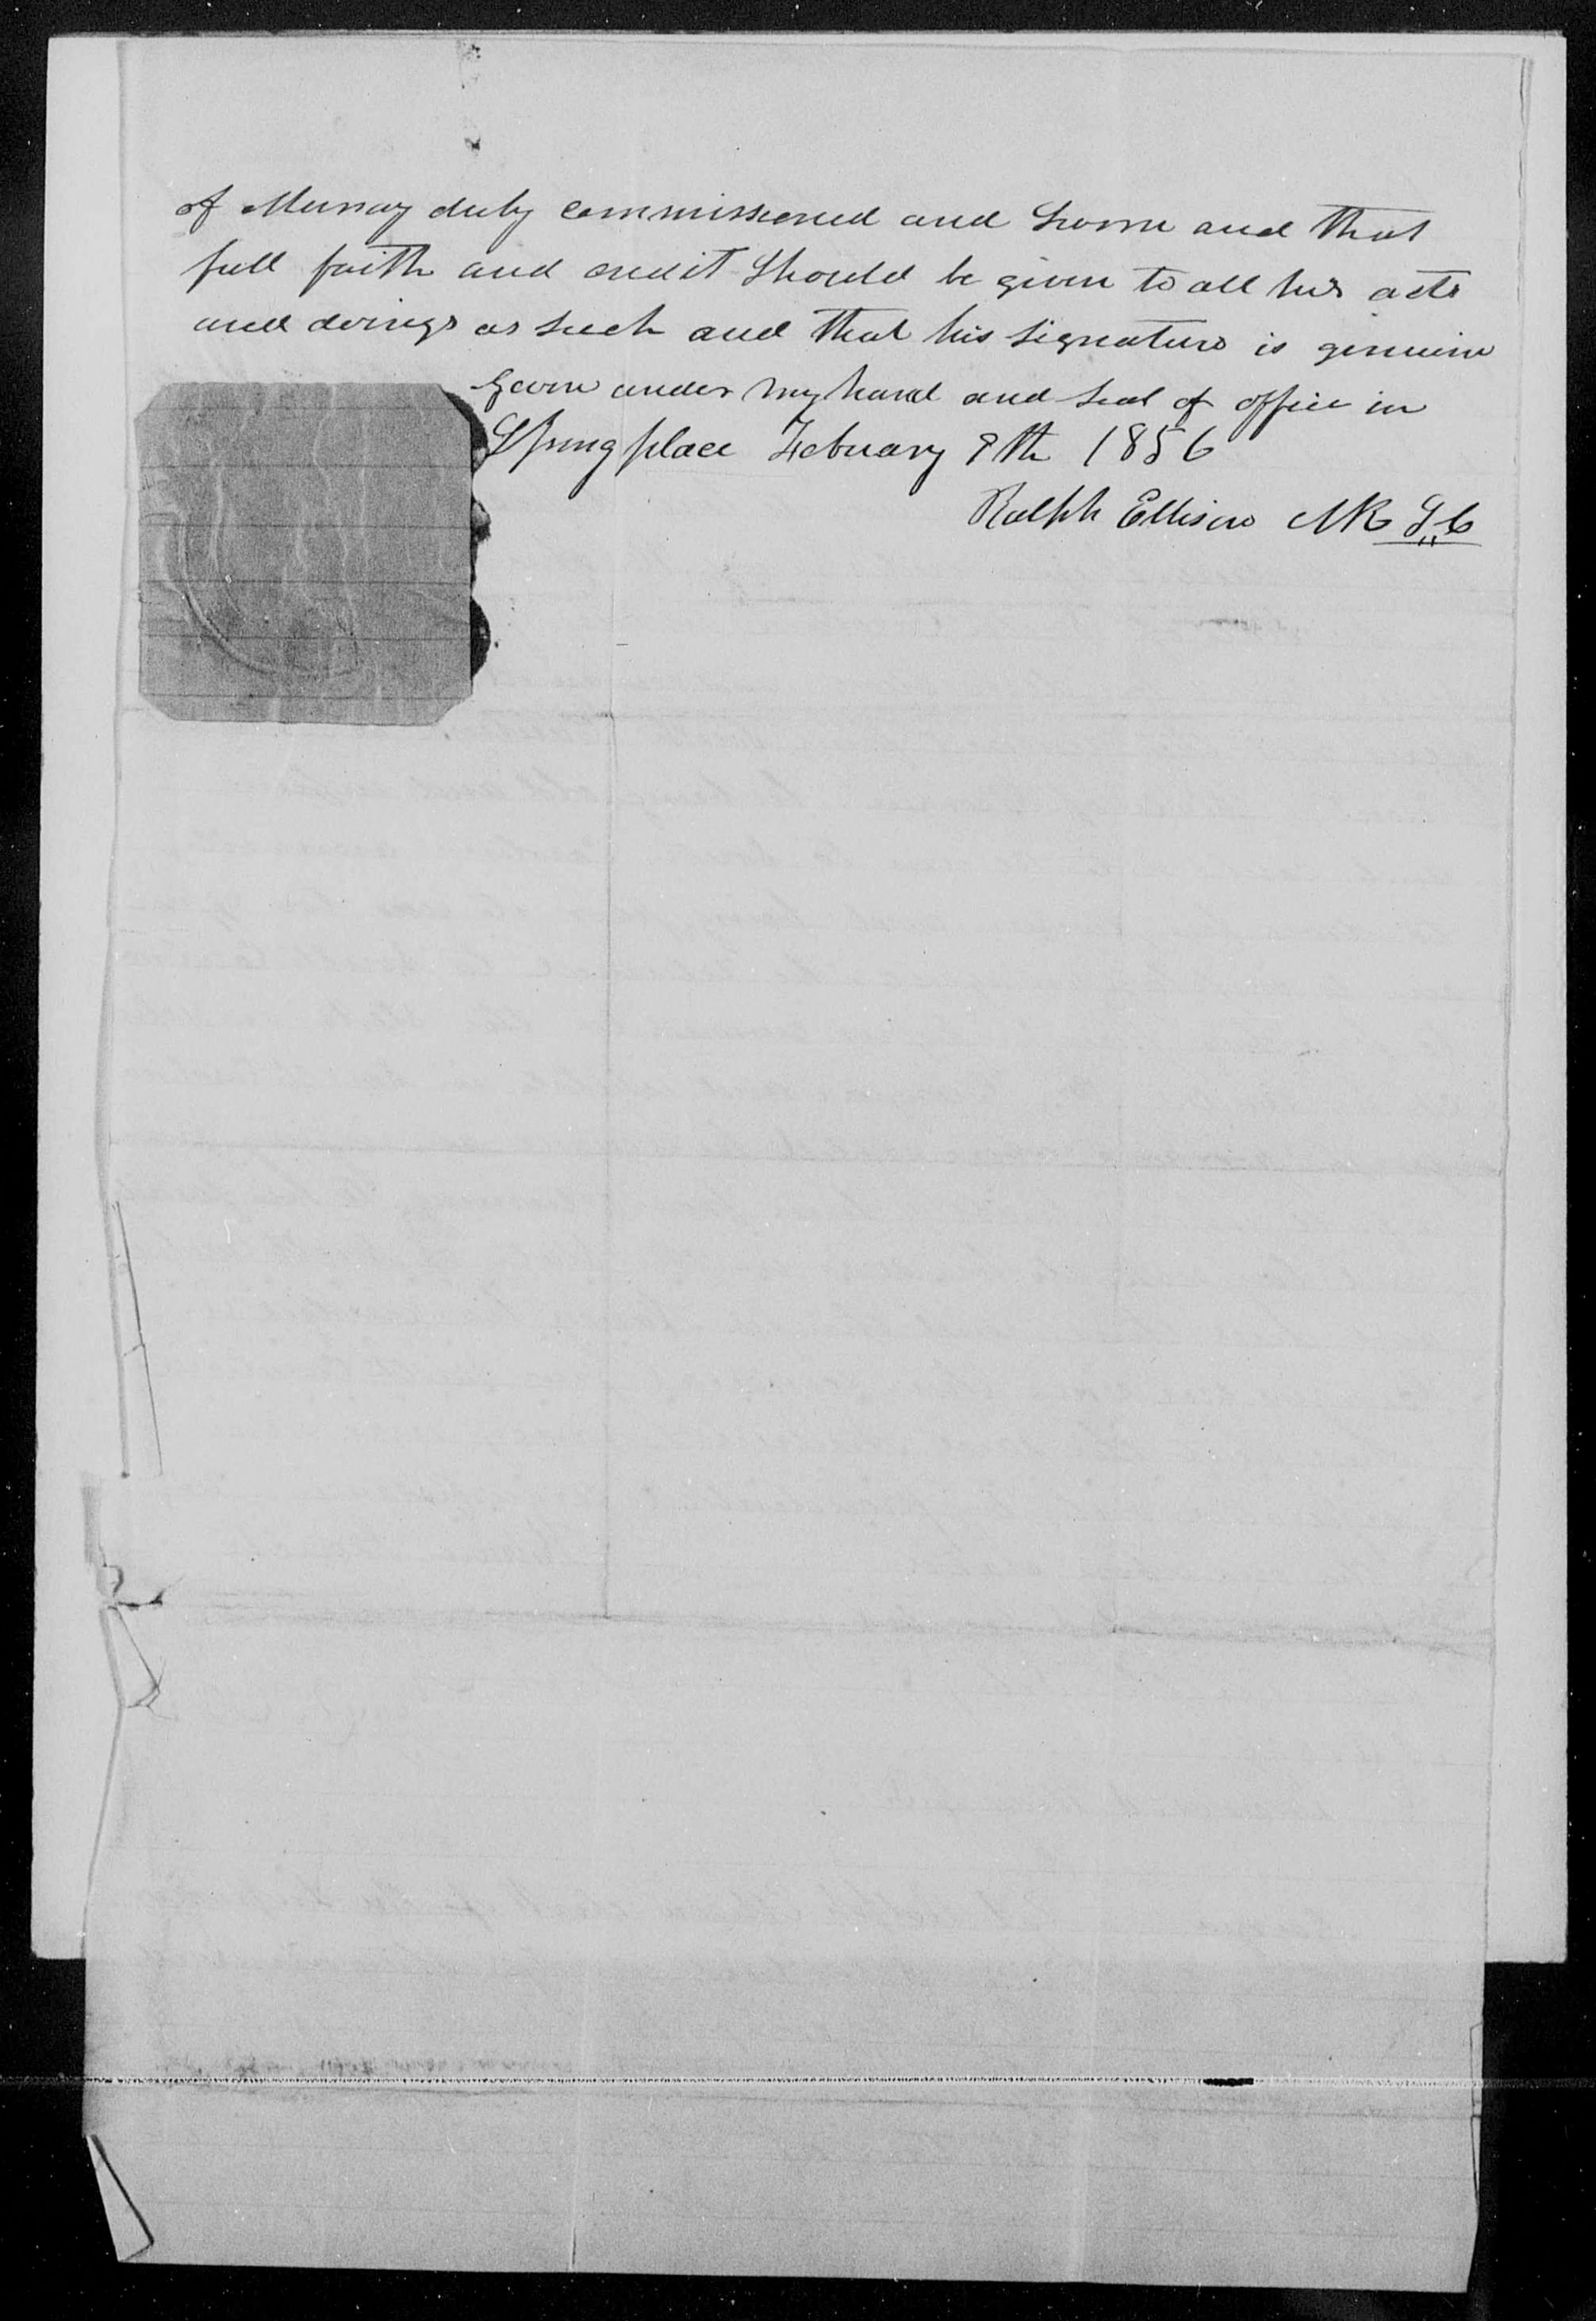of Munay duly commissioned and sworn and that
full faith and credit should be given to all his act
and doings as such and that his signature is genuine
Given under my hand and seal of office in
Spring place Febuary
9th 1856
Ralph Ellison MK J.C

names: Ralph Ellison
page: 53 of 75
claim: widow's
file: W. 25805, Andrew Hughes, N.C.